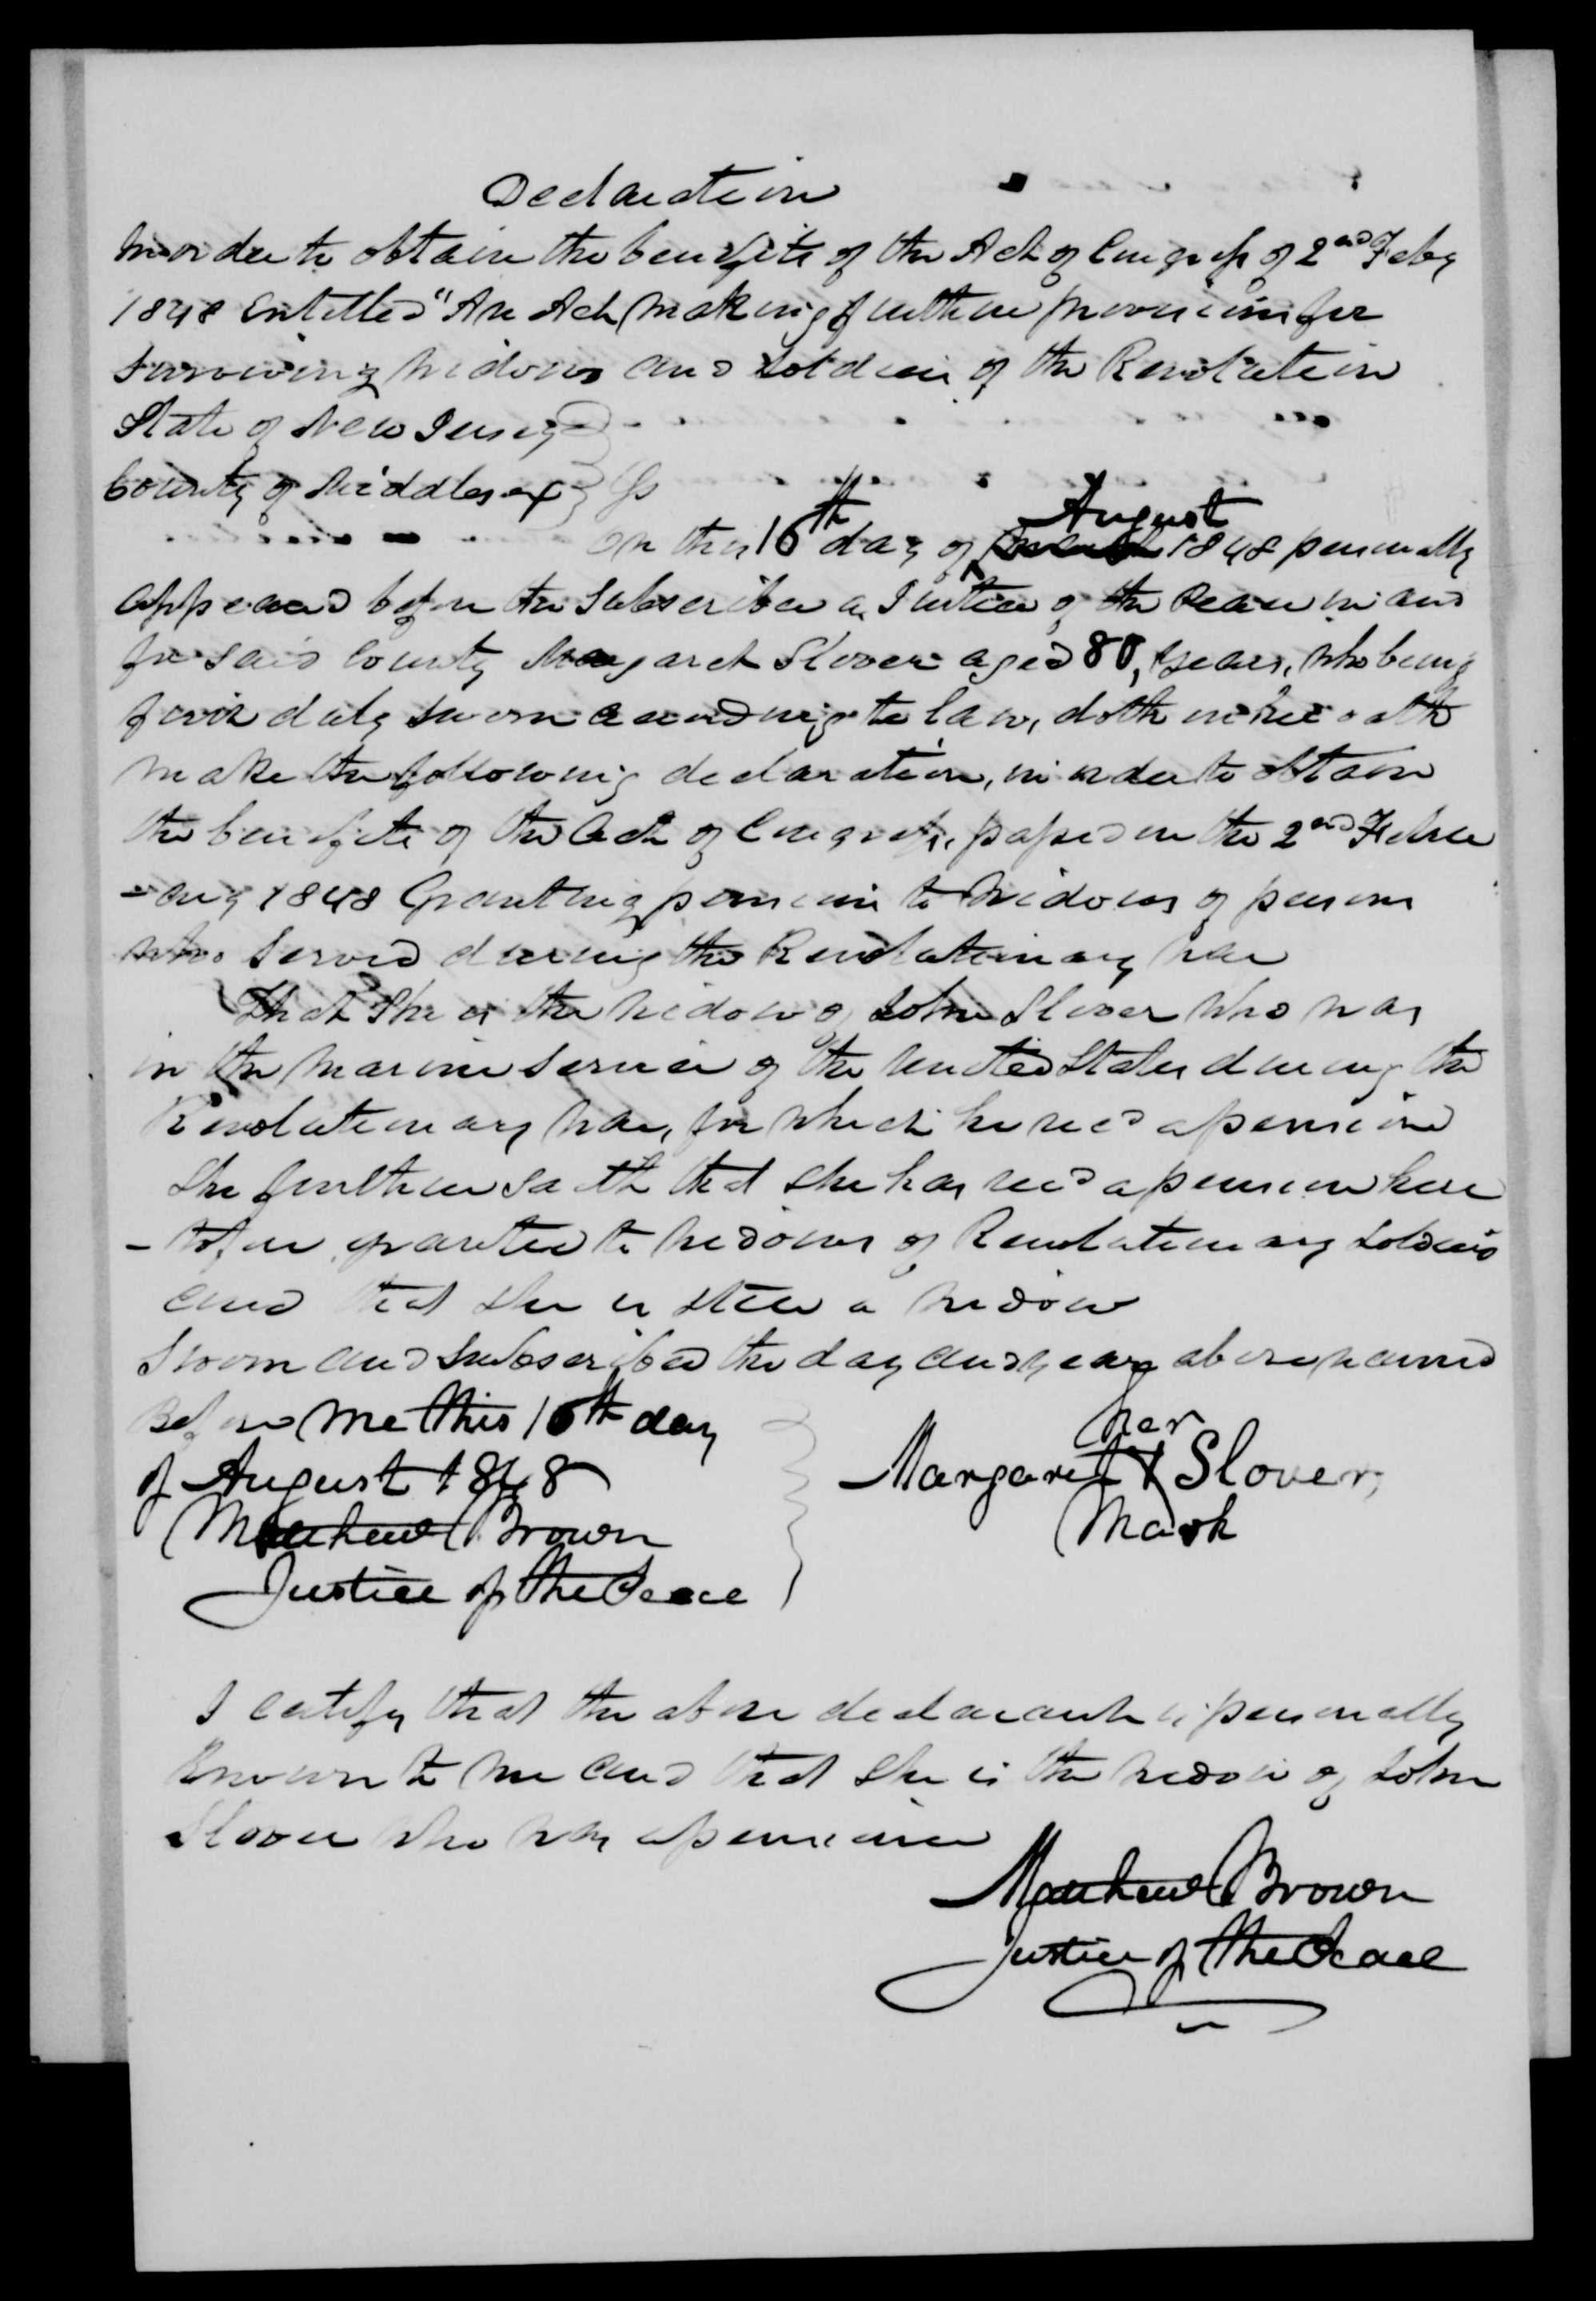Declaration.

In order to obtain the benefits of the Act of Congress of 2nd Feb. 1848 entitled, "An Act making further provisions for surviving widows and soldiers of the Revolution."

State of New Jersey
County of Middlesex//

On this 16th day of [crossed out" (illegible)] August 1848 personally appeared before the subscriber, a Justice of the Peace in and for said County, Margaret Slover, aged 80 years, who being first duly sworn according to law doth on her oath make the following declaration in order to obtain the benefit of the Act of Congress passed on the 2nd February 1848 granting pensions to widows of persons served during the Revolutionary War.

That she is the widow of John Slover, who was in the Marine Service of the United States during the Revolutionary War, for which he rec(eived) a pension. She further saith that she has rec(eived) a pension herself as granted to widows of Revolutionary Soldiers and that she is still a widow.
s/ Margaret Slover (X - her mark)

Sworn and subscribed the day and year above named before me this 16th day of August 1848.
s/ Matthew Brown, Justice of the Peace

I certify that the above declarant is personally known to me and that she is the widow of John Slover, who was a pensioner.
s/ Matthew Brown, Justice of the Peace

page: 44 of 46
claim: widow's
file: W. 6205, for John Slover, New Jersey